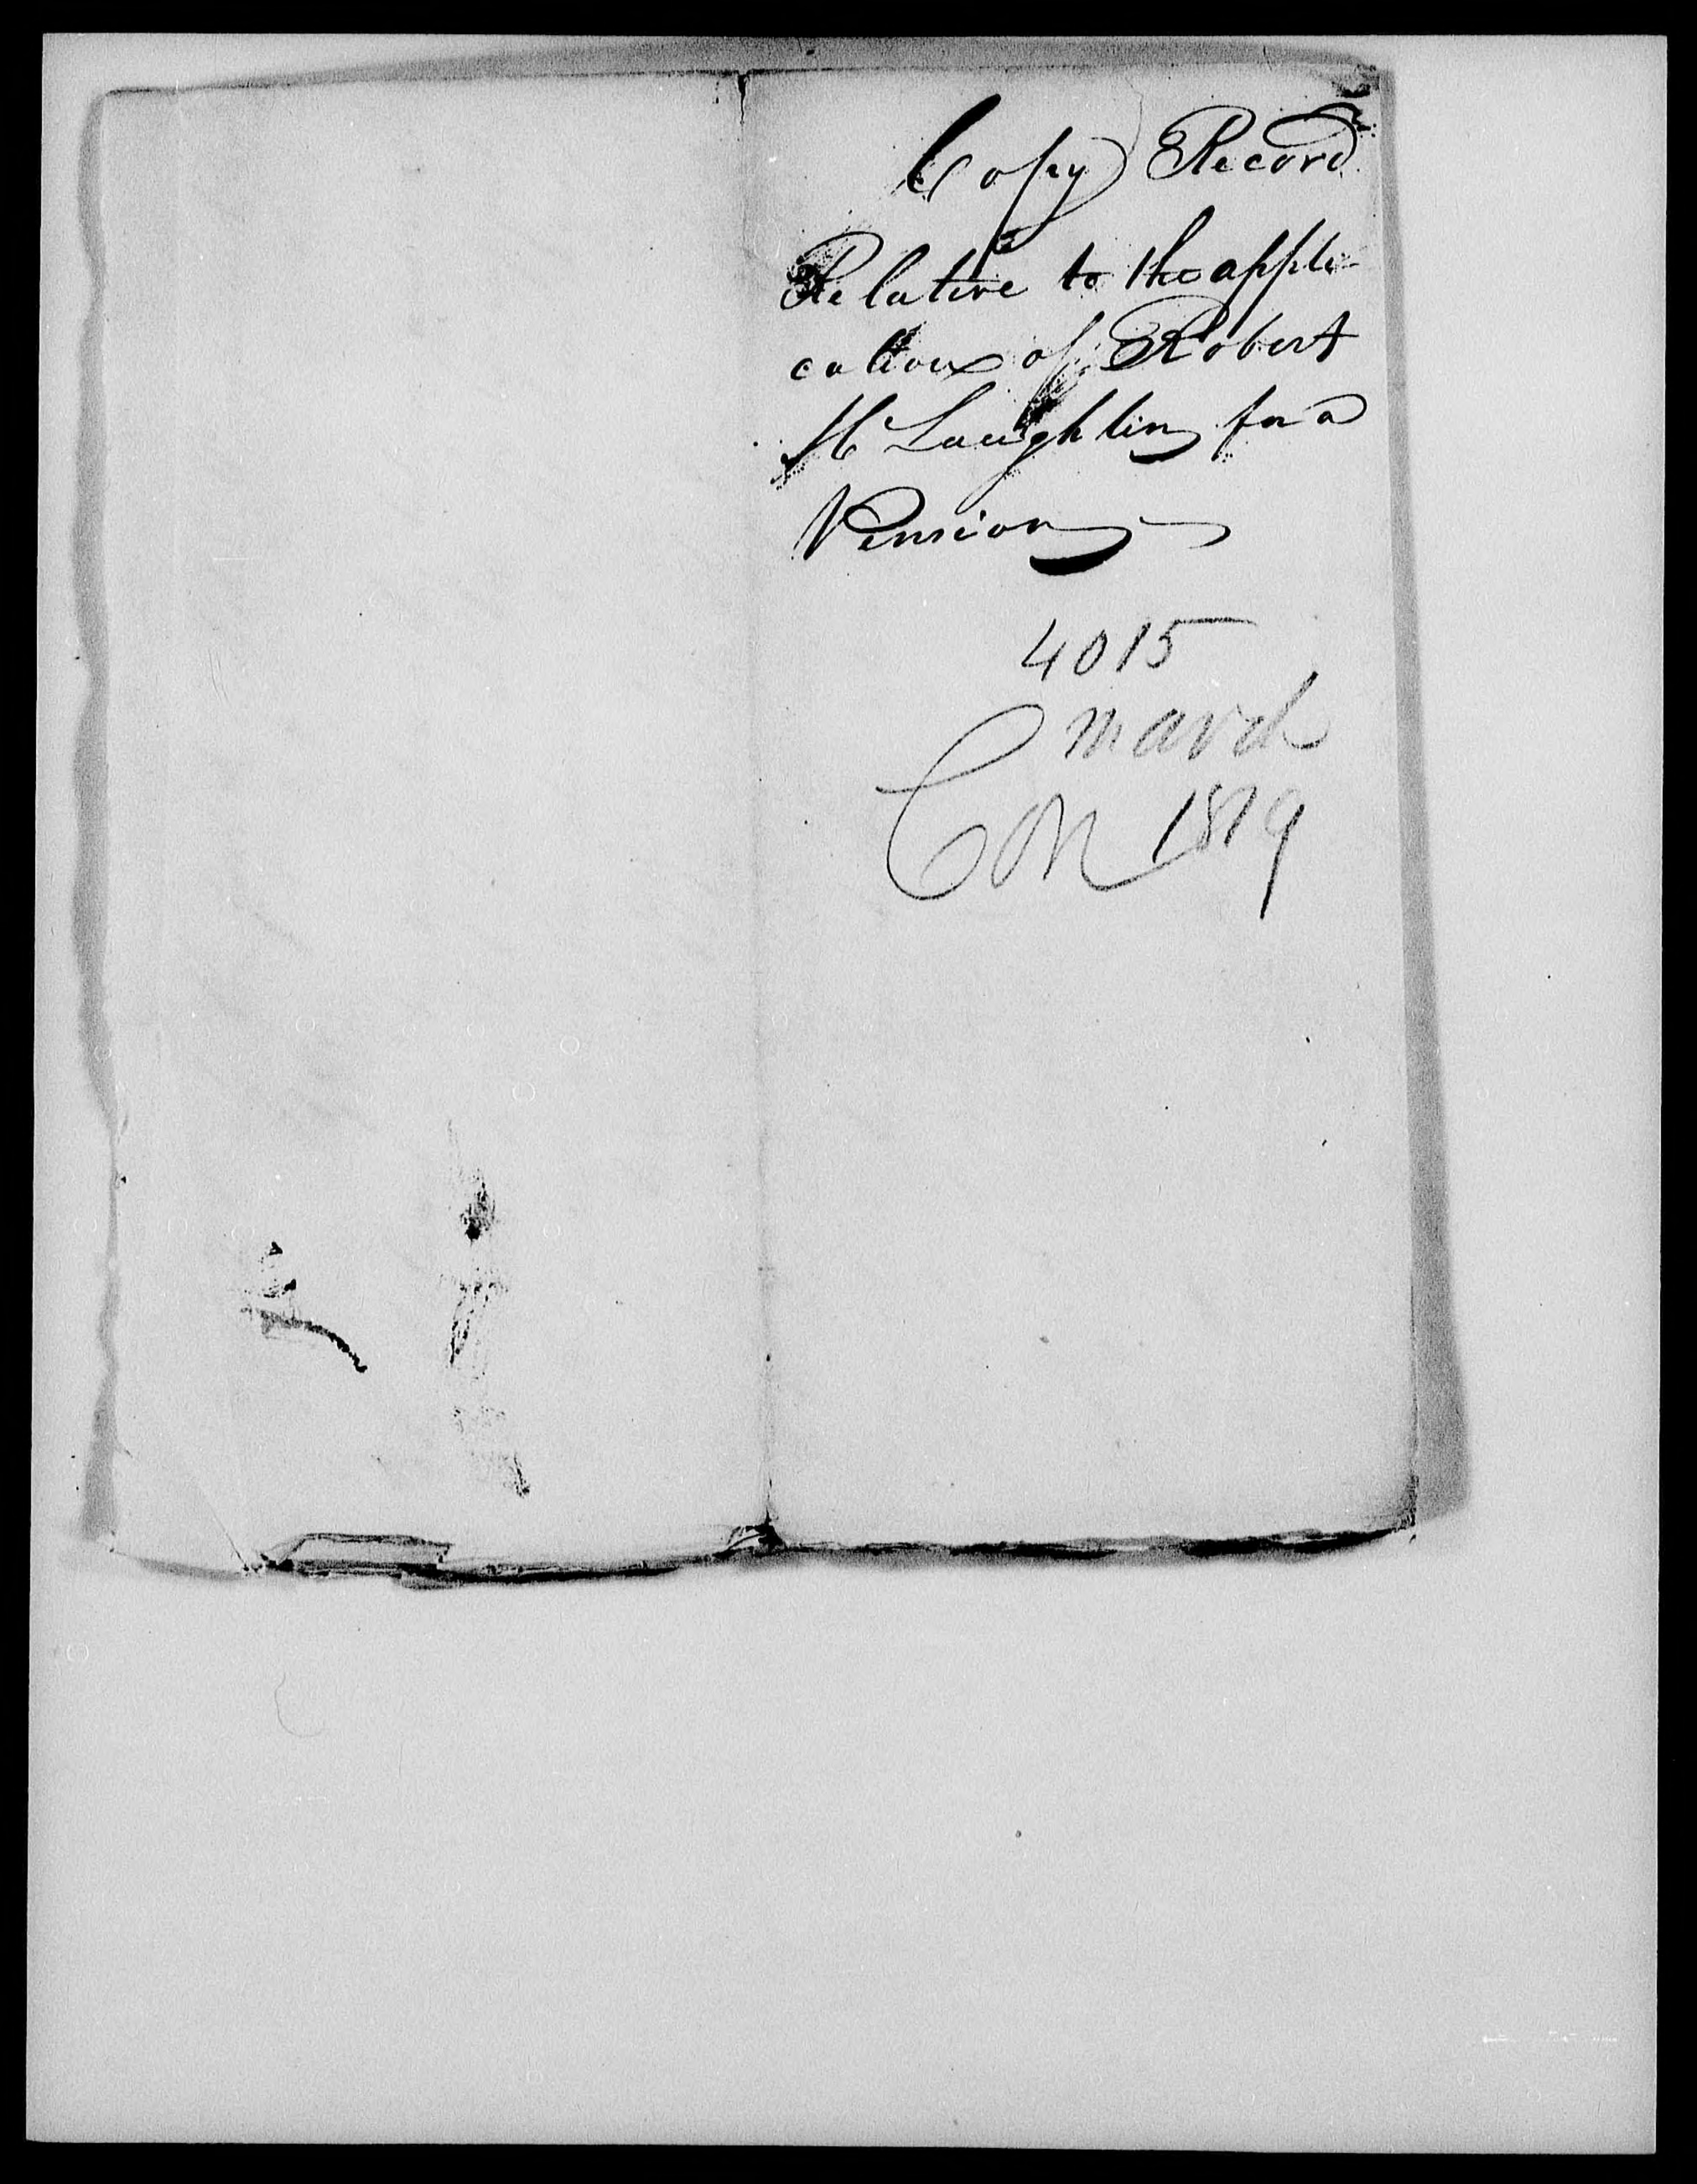[folded paper]
[right side of fold]
Copy of Record Relative to the application of Robert McLaughlin for a Pension
[different handwriting]
4015
March 
Con 1819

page: 9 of 19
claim: survivor's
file: S. 40,146, for Robert Mc Laughlin, Pennsylvania